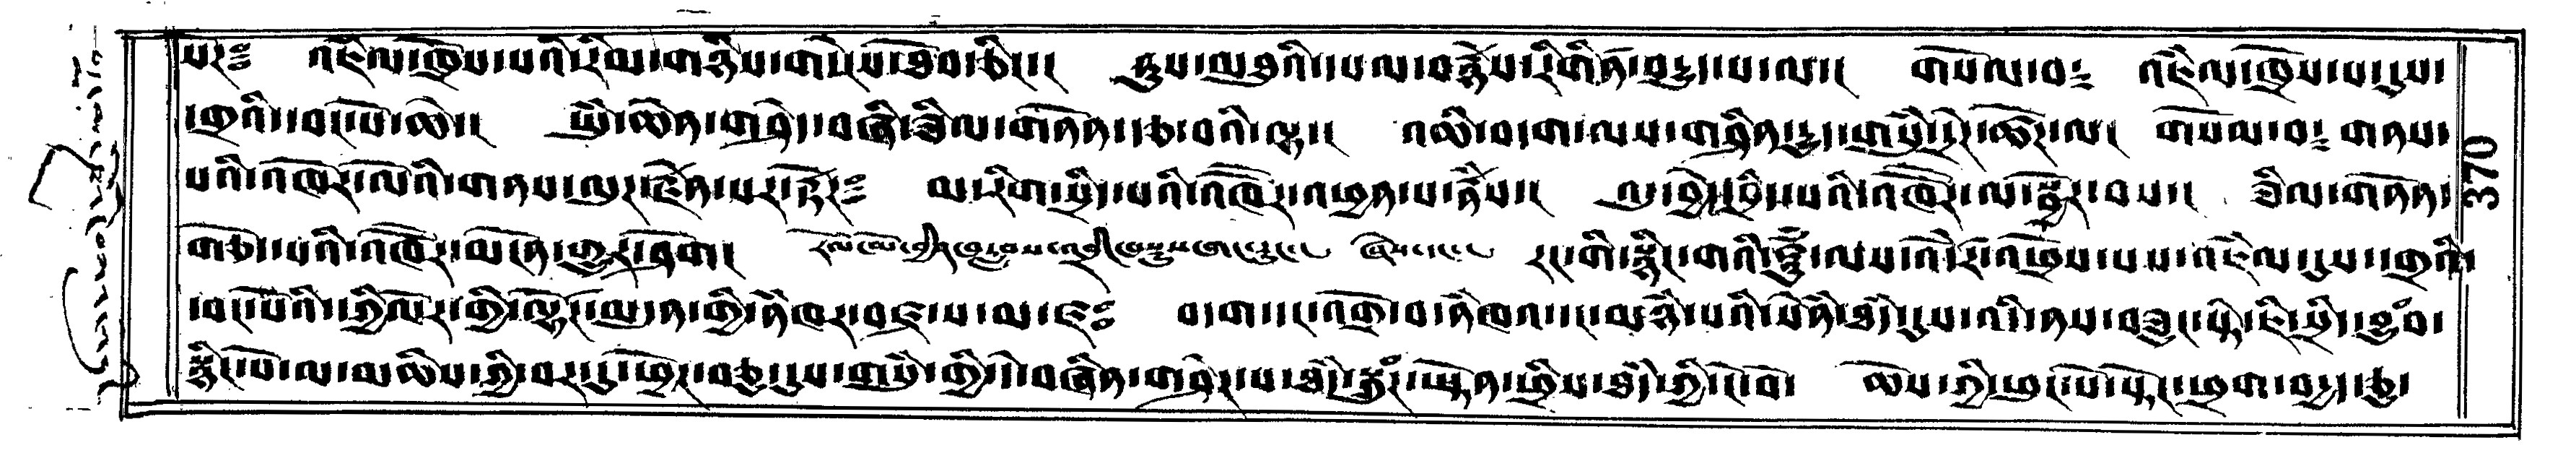སོགས། །འཇམ་དཔལ་ཁྲོས་པའི་རིམ་གཉིས་གདེངས་ཐོབ་ཅིང་། །ནུས་མཐུའི་དཔལ་བརྙེས་རིག་འཛིན་བརྒྱུད་པ་ལ། །གསོལ་བ༴ འཇམ་དཔལ་ཁྲོས་པ་དུས་
དགྲའི་དབང་པོ་ཆེ། །ཡུམ་ཆེན་གཤེད་བཞི་ཟིལ་གནོན་རྩ་བའི་ལྷ། །འཆི་བདག་ལས་གཤིན་རྒྱུད་གསུམ་དྲེགས་ཚོགས་ལ། །གསོལ་བ༴གནས་
པའི་འཁོར་ལོའི་གནས་ལུགས་རྗེན་པར་རྟོགས། །མ་རིག་སྲིད་པའི་འཁོར་ལོ་འཕྱན་པ་རྣམས། །འདུ་བྱེད་སྲིད་པའི་འཁོར་ལོ་ལ་སྦྱོར་བས། །ཟིལ་གནོན་
གཅོད་པའི་འཁོར་ལོ་མངོན་གྱུར་ཤོག རོལ་མོ་བྱིན་རླབས་འབྲིང་བསྡུས་གང་རུང་། ཞེས་དང་། རང་གི་སྙིང་གའི་ཧཱུྃ་ལས་འོད་ཟེར་འཕྲོས་པས་འཇམ་དཔལ་དུས་དགྲའི་
དབང་པོའི་དཀྱིལ་འཁོར་གྱི་ལྷ་ཚོགས་མདུན་གྱི་ནམ་མཁར་བཛྲ་ས་མ་ཛཿ བདག་དང་འགྲོ་བ་ནམ་མཁའ་དང་མཉམ་པའི་སེམས་ཅན་ཐམས་ཅད་དུས་འདི་ནས་བཟུང་སྟེ་ཇི་སྲིད་བྱང་ཆུབ་
སྙིང་པོ་ལ་མཆིས་ཀྱི་བར་དུ་ཕྱོགས་བཅུ་དུས་གསུམ་གྱི་དེ་བཞིན་གཤེགས་པ་ཐམས་ཅད་ཀྱི་ངོ་བོ་ཆོས་ཀྱི་ཕུང་པོ་སྟོང་ཕྲག་བརྒྱད་ཅུ་